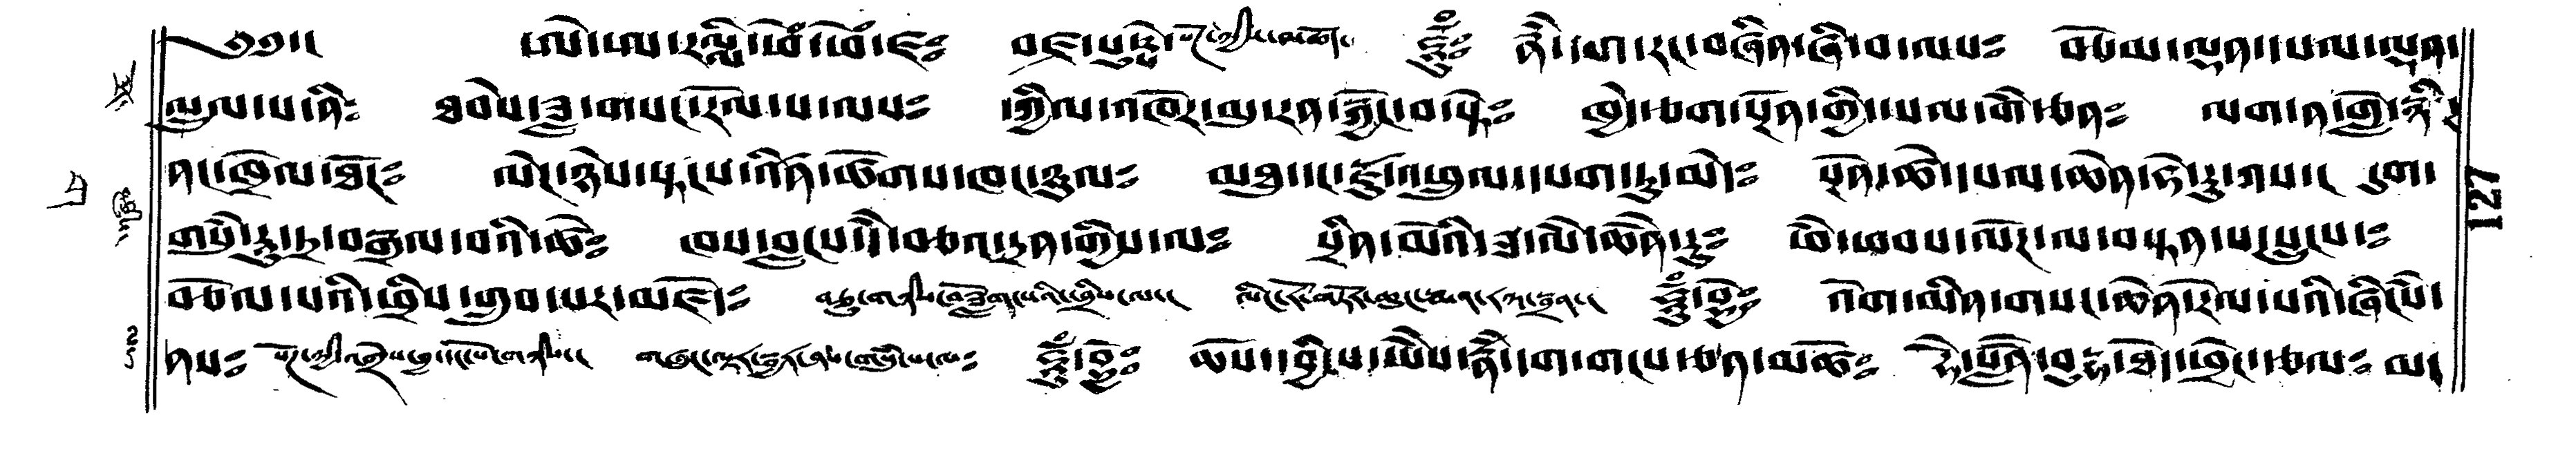ཨེ་ཨ་རལླི་ཕེཾ་ཕེཾ་ཛ༔ བཛྲ་པུཥྤེ་སོགས་ཀྱིས་མཆོད། ཧཱུྃ༔ རྣམ་དག་རང་བཞིན་ཞི་བ་ལས༔ བཅོམ་ལྡན་དཔལ་ཆེན་
སྤྲུལ་པ་ནི༔ ཐབས་ཤེས་ཟླ་གསང་རོལ་པ་ལས༔ དཀྱིལ་འཁོར་མུ་རན་སྐྱོང་བ་སྟེ༔ ཁྱེད་ཅག་སྔོན་གྱི་ཡལ་གམ་ཅན༔ ལག་ན་གློ་སྙིང་
ནང་ཁྲོལ་ཐོགས༔ ལེགས་ཉེས་སྟངས་འཛིན་ཚོགས་ཁང་ཉུལ༔ མཐུ་དང་རྫུ་འཕྲུལ་དཔག་ཏུ་མེད༔ སྔོན་ཚེ་དཔལ་ཆེན་ཧེ་རུ་ཀས༔ དུག་
གསུམ་རུ་ཏྲ་བསྒྲལ་བའི་ཚེ༔ ཁས་བླངས་དམ་བཅའ་དྲན་གྱིས་ལ༔ སྲིན་མོའི་ཟ་ལམ་ཆེན་པོ་རུ༔ ཕམ་ཕབས་ལོང་ལ་བསྟན་པ་སྲུངས༔ 
བཅོལ་པའི་ཕྲིན་ལས་འགྲུབ་པར་མཛོད༔ བཅུ་གཉིས་བཟློག་པའི་ཕྲིན་ལས་ལ། །ལིང་རོ་གཏོར་ཆུང་སྨན་རཀ་སྦྲན། ཧཱུྃ་བྷྱོ༔ འོག་མིན་གསང་ཆེན་རོལ་པའི་ཞིང་ཁམས་
ནས༔ སོགས་ཀྱིས་འགྲེས་བྱ་དང་པོ་གཉིས། །གཞུང་ལྟར་སྦྱར་ནས་གསུམ་པ་ལ། ཧཱུྃ་བྷྱོ༔ ཆོས་དབྱིངས་ཡེ་ཤེས་དག་གངས་ཅན་མཚོ༔ རྡོ་རྗེ་སློབ་དཔོན་བུདྡྷ་ཐོད་ཕྲེང་རྩལ༔